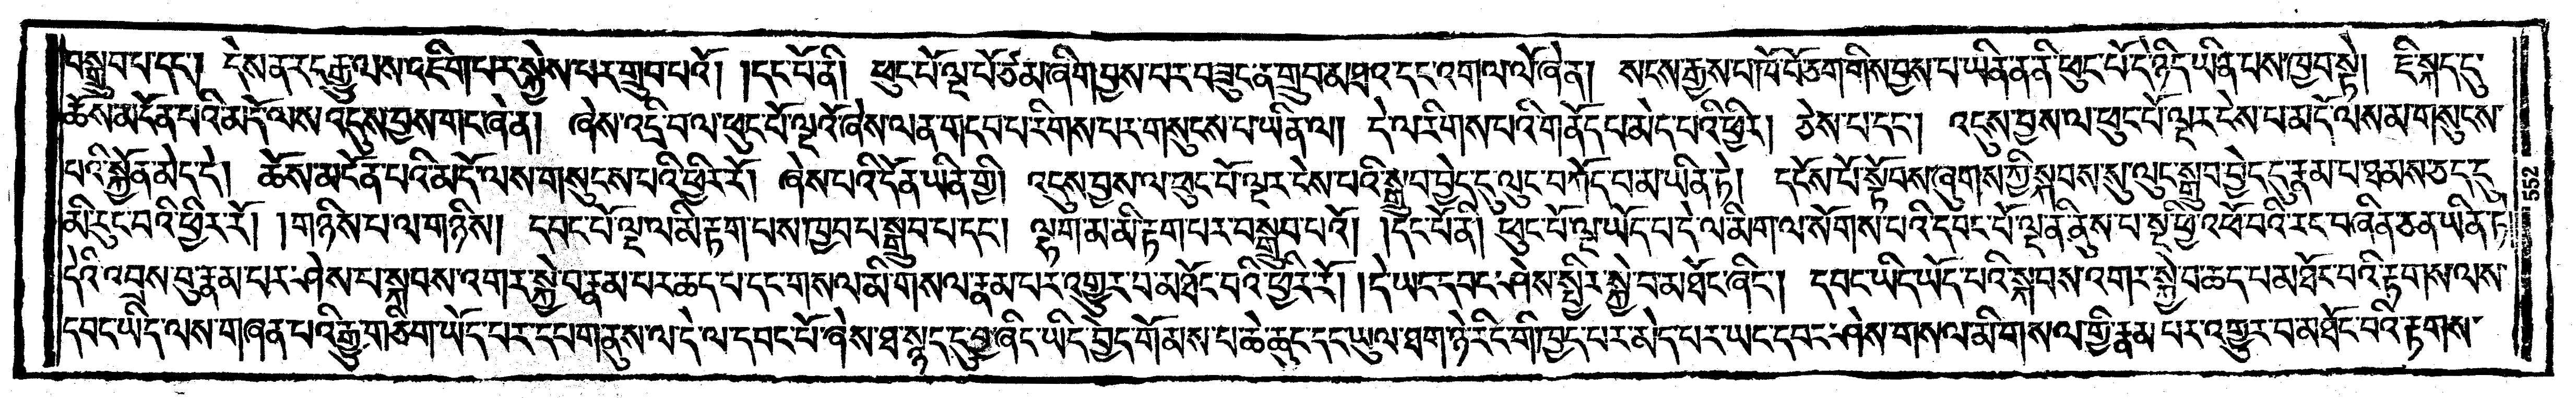བསྒྲུབ་པ་དང་། དེས་ན་རང་རྒྱུ་ལས་འཇིག་པར་སྐྱེས་པར་གྲུབ་པའོ། །དང་པོ་ནི། ཕུང་པོ་ལྔ་པོ་ཙམ་ཞིག་བྱས་པར་བཟུང་ན་གྲུབ་མཐའ་དང་འགལ་ལོ་ཞེ་ན། སངས་རྒྱས་པ་ཁོ་བོ་ཅག་གིས་བྱས་པ་ཡིན་ན་ནི་ཕུང་པོ་དེ་ཉིད་ཡིན་པས་ཁྱབ་སྟེ། ཇི་སྐད་དུ་
ཆོས་མངོན་པའི་མདོ་ལས་འདུས་བྱས་གང་ཞེ་ན། ཞེས་འདྲི་བ་ལ་ཕུང་པོ་ལྔའོ་ཞེས་ལན་གདབ་པ་རིགས་པར་གསུངས་པ་ཡིན་ལ། དེ་ལ་རིགས་པའི་གནོད་པ་མེད་པའི་ཕྱིར། ཅེས་པ་དང་། འདུས་བྱས་ལ་ཕུང་པོ་ལྔར་ངེས་པ་མདོ་ལས་མ་གསུངས་
པའི་སྐྱོན་མེད་དེ། ཆོས་མངོན་པའི་མདོ་ལས་གསུངས་པའི་ཕྱིར་རོ། ཞེས་པའི་དོན་ཡིན་གྱི། འདུས་བྱས་ལ་ཕུང་པོ་ལྔར་ངེས་པའི་སྒྲུབ་བྱེད་དུ་ལུང་བཀོད་པ་མ་ཡིན་ཏེ། དངོས་པོ་སྟོབས་ཞུགས་ཀྱི་སྐབས་སུ་ལུང་སྒྲུབ་བྱེད་དུ་རྣམ་པ་ཐམས་ཅད་དུ་
མི་རུང་བའི་ཕྱིར་རོ། །གཉིས་པ་ལ་གཉིས། དབང་པོ་ལྔ་ལ་མི་རྟག་པས་ཁྱབ་པ་སྒྲུབ་པ་དང་། ལྷག་མ་མི་རྟག་པར་བསྒྲུབ་པའོ། །དང་པོ་ནི། ཕུང་པོ་ལྔ་ཡོད་པ་དེ་ལ་མིག་ལ་སོགས་པའི་དབང་པོ་ལྔ་ནི་ནུས་པ་སྔ་ཕྱི་འཕོ་བའི་རང་བཞིན་ཅན་ཡིན་ཏེ།
དེའི་འབྲས་བུ་རྣམ་པར་ཤེས་པ་སྐབས་འགར་སྐྱེ་བ་རྣམ་པར་ཆད་པ་དང་གསལ་མི་གསལ་རྣམ་པར་འགྱུར་བ་མཐོང་བའི་ཕྱིར་རོ། །དེ་ཡང་དབང་ཤེས་སྤྱིར་སྐྱེ་བ་མཐོང་ཞིང་། དབང་ཡིད་ཡོད་པའི་སྐབས་འགར་སྐྱེ་བ་ཆད་པ་མཐོང་བའི་རྟགས་ལས་
དབང་ཡིད་ལས་གཞན་པའི་རྒྱུ་གཅིག་ཡོད་པར་དཔག་ནུས་ལ་དེ་ལ་དབང་པོ་ཞེས་ཐ་སྙད་དུ་བྱ་ཞིང་ཡིད་བྱེད་གོམས་པ་ཆེ་ཆུང་དང་ཡུལ་ཐག་ཉེ་རིང་གི་ཁྱད་པར་མེད་པར་ཡང་དབང་ཤེས་གསལ་མི་གསལ་གྱི་རྣམ་པར་འགྱུར་བ་མཐོང་བའི་རྟགས་